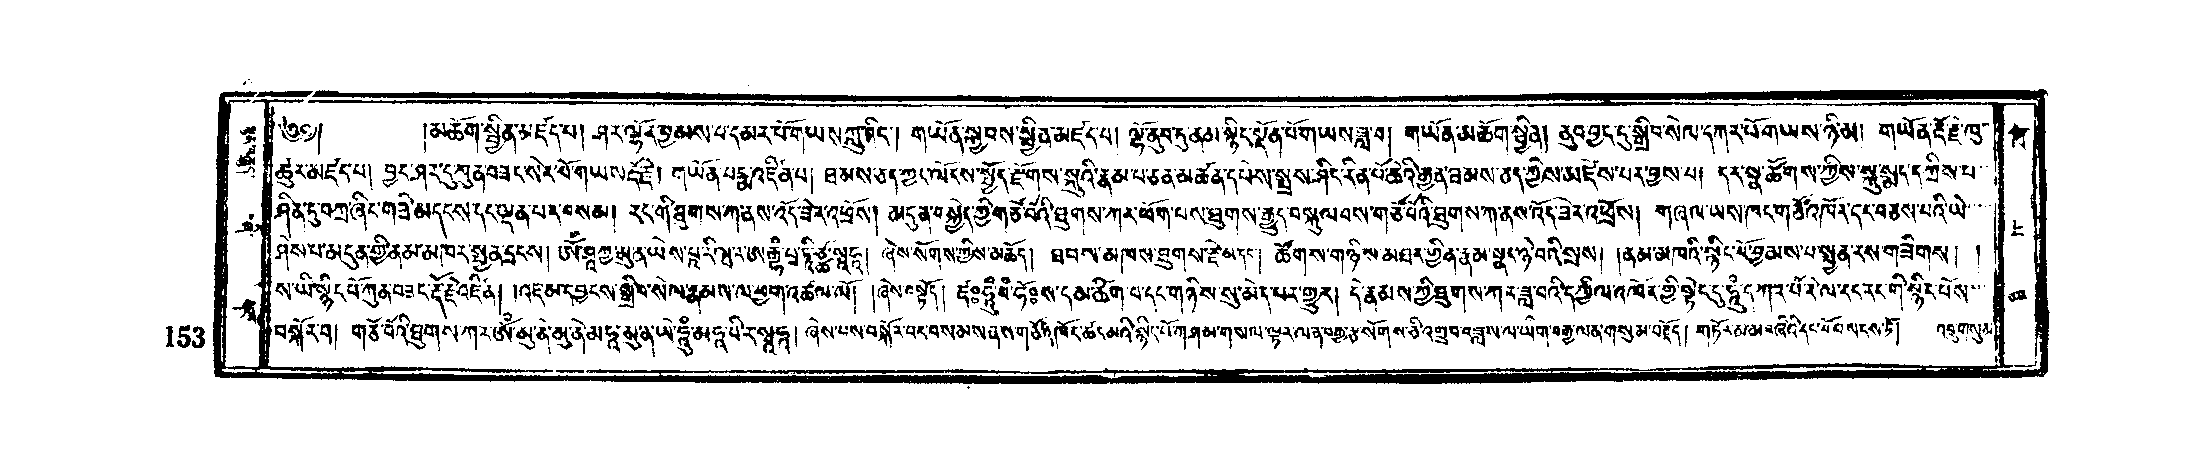༄༅། །མཆོག་སྦྱིན་མཛད་པ། ཤར་ལྷོར་བྱམས་པ་དམར་པོ་གཡས་ཀླུ་ཤིང་། གཡོན་སྐྱབས་སྦྱིན་མཛད་པ། ལྷོ་ནུབ་ཏུ་ནམ་སྙིང་སྔོན་པོ་གཡས་ཟླ་བ། གཡོན་མཆོག་སྦྱིན། ནུབ་བྱང་དུ་སྒྲིབ་སེལ་དཀར་པོ་གཡས་ཉི་མ། གཡོན་རྡོ་རྗེ་ཁུ་
ཚུར་མཛད་པ། བྱང་ཤར་དུ་ཀུན་བཟང་སེར་པོ་གཡས་རྡོ་རྗེ། གཡོན་པདམ་འཛིན་པ། ཐམས་ཅད་ཀྱང་ལོངས་སྤྱོད་རྫོགས་སྐུའི་རྣམ་པ་ཅན་མཚན་དཔེས་སྤྲས་ཤིང་རིན་པོ་ཆེའི་རྒྱན་ཐམས་ཅད་ཀྱིས་མཛེས་པར་བྱས་པ། དར་སྣ་ཚོགས་ཀྱིས་སྐུ་སྨད་དཀྲིས་པ་
ཤིན་ཏུ་བཀྲ་ཞིང་གཟི་མདངས་དང་ལྡན་པར་བསམ། རང་གི་ཐུགས་ཀ་ནས་འོད་ཟེར་འཕྲོས། མདུན་བསྐྱེད་ཀྱི་གཙོ་བོའི་ཐུགས་ཀར་ཕོག་པས་ཐུགས་རྒྱུད་བསྐུལ་བས་གཙོ་བོའི་ཐུགས་ཀ་ནས་འོད་ཟེར་འཕྲོས། གཞལ་ཡས་ཁང་གཙོ་འཁོར་དང་བཅས་པའི་ཡེ་
ཤེས་པ་མདུན་གྱི་ནམ་མཁར་སྤྱན་དྲངས། ཨོཾ་ཤཱཀྱ་མུ་ན་ཡེ་ས་པཱ་རི་ཝ་ར་ཨརྒྷཾ་པྲ་ཏཱི་ཙྪ་སྭཱཧཱ། ཞེས་སོགས་ཀྱིས་མཆོད། ཐབས་མཁས་ཐུགས་རྗེ་མ་དང་། ཚོགས་གཉིས་མཐར་གྱིན་རྣམ་སྣང་ཉེ་བའི་སྲས། །ནམ་མཁའི་སྙིང་པོ་བྱམས་པ་སྤྱན་རས་གཟིགས། །
ས་ཡི་སྙིང་པོ་ཀུན་བཟང་རྡོ་རྗེ་འཛིན། །འཇམ་དབྱངས་སྒྲིབ་སེལ་རྣམས་ལ་ཕྱག་འཚལ་ལོ། །ཞེས་བསྟོད། ཛཿཧཱུཾ་བཾ་ཧོཿ ས་དམ་ཚིག་པ་དང་གཉིས་སུ་མེད་པར་གྱུར། དེ་རྣམས་ཀྱི་ཐུགས་ཀར་ཟླ་བའི་དཀྱིལ་འཁོར་གྱི་སྟེང་དུ་ཧཱུཾ་དཀར་པོ་རེ་ལ་རང་རང་གི་སྙིང་པོས་
བསྐོར་བ། གཙོ་བོའི་ཐུགས་ཀར་ཨོཾ་མུ་ནེ་མུ་ནེ་མཧཱ་མུ་ན་ཡེ་ཧཱུཾ་མཧཱ་པི་ར་སྭཱཧཱ། ཞེས་པས་བསྐོར་བར་བསམས་ནས་གཙོ་འཁོར་ཚང་མའི་སྙིང་པོ་གཤམ་གསལ་ལྟར་ལན་བརྒྱ་རྩ་སོགས་ཅི་འགྲུབ་བཟླས་ལ་ཡིག་བརྒྱ་ལན་གསུམ་བརྗོད། གཏོར་མ་མ་བཞིའི་དང་པོ་བསངས་ཏོ། འབྲུ་གསུམ་